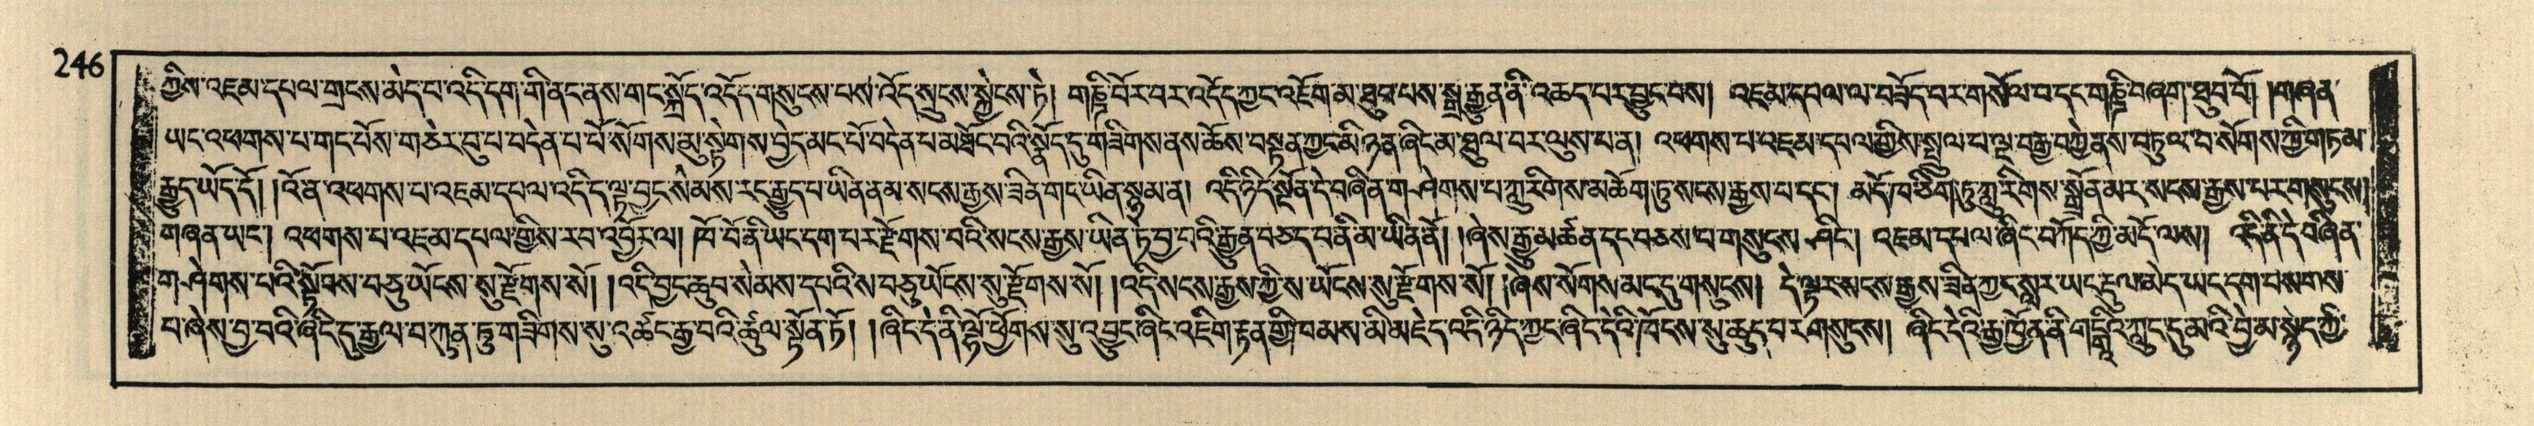ཀྱིས་འཇམ་དཔལ་གྲངས་མེད་པ་འདི་དག་གི་ནང་ནས་གང་སྐྲོད་འདོད་གསུངས་པས་འོད་སྲུངས་སྐྱེངས་ཏེ། གཎྜི་བོར་བར་འདོད་ཀྱང་འཇོག་མ་ཐུབ་པས་སྒྲ་རྒྱུན་ནི་འཆད་པར་བྱུང་བས། འཇམ་དཔལ་ལ་བཟོད་བར་གསོལ་བ་དང་གཎྜི་བཞག་ཐུབ་བོ། །གཞན་
ཡང་འཕགས་པ་གང་པོས་གཅེར་བུ་པ་བདེན་པ་པོ་སོགས་མུ་སྟེགས་བྱེད་མང་པོ་བདེན་པ་མཐོང་བའི་སྣོད་དུ་གཟིགས་ནས་ཆོས་བསྟན་ཀྱང་མི་ཉན་ཞིང་མ་ཐུལ་བར་ལུས་པ་ན། འཕགས་པ་འཇམ་དཔལ་གྱིས་སྤྲུལ་པ་ལྔ་བརྒྱ་བཀྱེ་ནས་བཏུལ་བ་སོགས་ཀྱི་གཏམ་
རྒྱུད་ཡོད་དོ། །འོ་ན་འཕགས་པ་འཇམ་དཔལ་འདི་ད་ལྟ་བྱང་སེམས་རང་རྒྱུད་པ་ཡིན་ནམ་སངས་རྒྱས་ཟིན་གང་ཡིན་སྙམ་ན། འདི་ཉིད་སྔོན་དེ་བཞིན་གཤེགས་པ་ཀླུ་རིགས་མཆོག་ཏུ་སངས་རྒྱས་པ་དང་། མདོ་ཁ་ཅིག་ཏུ་ཀླུ་རིགས་སྒྲོན་མར་སངས་རྒྱས་པར་གསུངས།
གཞན་ཡང་། འཕགས་པ་འཇམ་དཔལ་གྱིས་རབ་འབྱོར་ལ། ཁོ་བོ་ནི་ཡང་དག་པར་རྫོགས་པའི་སངས་རྒྱས་ཡིན་ཏེ་བྱ་བའི་རྒྱུན་བཅད་བ་ནི་མ་ཡིན་ནོ། །ཞེས་རྒྱུ་མཚན་དང་བཅས་པ་གསུངས་ཤིང་། འཇམ་དཔལ་ཞིང་བཀོད་ཀྱི་མདོ་ལས། འདི་ནི་དེ་བཞིན་
གཤེགས་པའི་སྟོབས་བཅུ་ཡོངས་སུ་རྫོགས་སོ། །འདི་བྱང་ཆུབ་སེམས་དཔའི་ས་བཅུ་ཡོངས་སུ་རྫོགས་སོ། །འདི་སངས་རྒྱས་ཀྱི་ས་ཡོངས་སུ་རྫོགས་སོ། །ཞེས་སོགས་མང་དུ་གསུངས། དེ་ལྟར་སངས་རྒྱས་ཟིན་ཀྱང་སླར་ཡང་རྡུལ་མེད་ཡང་དག་བསགས་
པ་ཞེས་བྱ་བའི་ཞིང་དུ་རྒྱལ་བ་ཀུན་ཏུ་གཟིགས་སུ་འཚང་རྒྱ་བའི་ཚུལ་སྟོན་ཏོ། །ཞིང་དེ་ནི་ལྷོ་ཕྱོགས་སུ་འབྱུང་ཞིང་འཇིག་རྟེན་གྱི་ཁམས་མི་མཇེད་འདི་ཉིད་ཀྱང་ཞིང་དེའི་ཁོངས་སུ་ཆུད་པར་གསུངས། ཞིང་དེའི་རྒྱ་ཁྱོན་ནི་གངྒཱའི་ཀླུང་དུ་མའི་བྱེ་མ་སྙེད་ཀྱི་